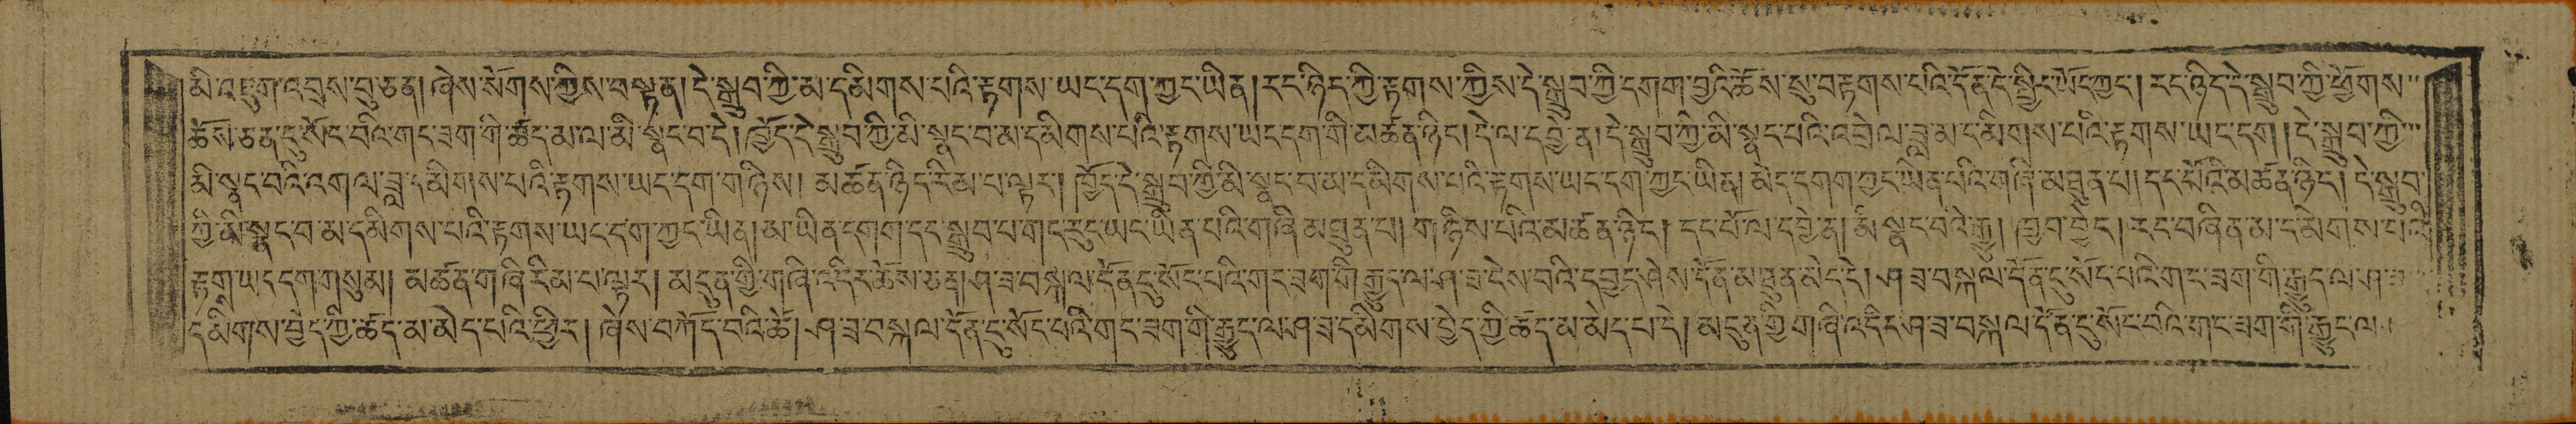མི་འཇུག་འབྲས་བུ་ཅན། ཞེས་སོགས་ཀྱིས་བསྟན། དེ་སྒྲུབ་ཀྱི་མ་དམིགས་པའི་རྟགས་ཡང་དག་ཀྱང་ཡིན། རང་ཉིད་ཀྱི་རྟགས་ཀྱིས་དེ་སྒྲུབ་ཀྱི་དགག་བྱའི་ཆོས་སུ་བརྟགས་པའི་དོན་དེ་སྤྱིར་ཡོད་ཀྱང་། རང་ཉིད་དེ་སྒྲུབ་ཀྱི་ཕྱོགས་
ཆོས་ཅན་དུ་སོང་བའི་གང་ཟག་གི་ཚད་མ་ལ་མི་སྣང་བ་དེ། ཁྱོད་དེ་སྒྲུབ་ཀྱི་མི་སྣང་བ་མ་དམིགས་པའི་རྟགས་ཡང་དག་གི་མཚན་ཉིད། དེ་ལ་དབྱེ་ན། དེ་སྒྲུབ་ཀྱི་མི་སྣང་བའི་འབྲེལ་ཟླ་མ་དམིགས་པའི་རྟགས་ཡང་དག །དེ་སྒྲུབ་ཀྱི་
མི་སྣང་བའི་འགལ་ཟླ་དམིགས་པའི་རྟགས་ཡང་དག་གཉིས། མཚན་ཉིད་རིམ་པ་ལྟར། ཁྱོད་དེ་སྒྲུབ་ཀྱི་མི་སྣང་བ་མ་དམིགས་པའི་རྟགས་ཡང་དག་ཀྱང་ཡིན། མེད་དགག་ཀྱང་ཡིན་པའི་གཞི་མཐུན་པ། དང་པོའི་མཚན་ཉིད། དེ་སྒྲུབ་
ཀྱི་མི་སྣང་བ་མ་དམིགས་པའི་རྟགས་ཡང་དག་ཀྱང་ཡིན། མ་ཡིན་དགག་དང་སྒྲུབ་པ་གང་རུང་ཡང་ཡིན་པའི་གཞི་མཐུན་པ། གཉིས་པའི་མཚན་ཉིད། དང་པོ་ལ་དབྱེ་ན། མི་སྣང་བའི་རྒྱུ། ཁྱབ་བྱེད། རང་བཞིན་མ་དམིགས་པའི་
རྟགས་ཡང་དག་གསུམ། མཚན་གཞི་རིམ་པ་ལྟར། མདུན་གྱི་གཞི་འདིར་ཆོས་ཅན། ཤ་ཟ་བསྐལ་དོན་དུ་སོང་བའི་གང་ཟག་གི་རྒྱུད་ལ་ཤ་ཟ་ངེས་པའི་དཔྱད་ཤེས་དོན་མཐུན་མེད་དེ། ཤ་ཟ་བསྐལ་དོན་དུ་སོང་བའི་གང་ཟག་གི་རྒྱུད་ལ་ཤ་ཟ་
དམིགས་བྱེད་ཀྱི་ཚད་མ་མེད་པའི་ཕྱིར། ཞེས་བཀོད་པའི་ཚེ། ཤ་ཟ་བསྐལ་དོན་དུ་སོང་བའི་གང་ཟག་གི་རྒྱུད་ལ་ཤ་ཟ་དམིགས་བྱེད་ཀྱི་ཚད་མ་མེད་པ་དེ། མདུན་གྱི་གཞི་འདིར་ཤ་ཟ་བསྐལ་དོན་དུ་སོང་བའི་གང་ཟག་གི་རྒྱུད་ལ་ཤ་